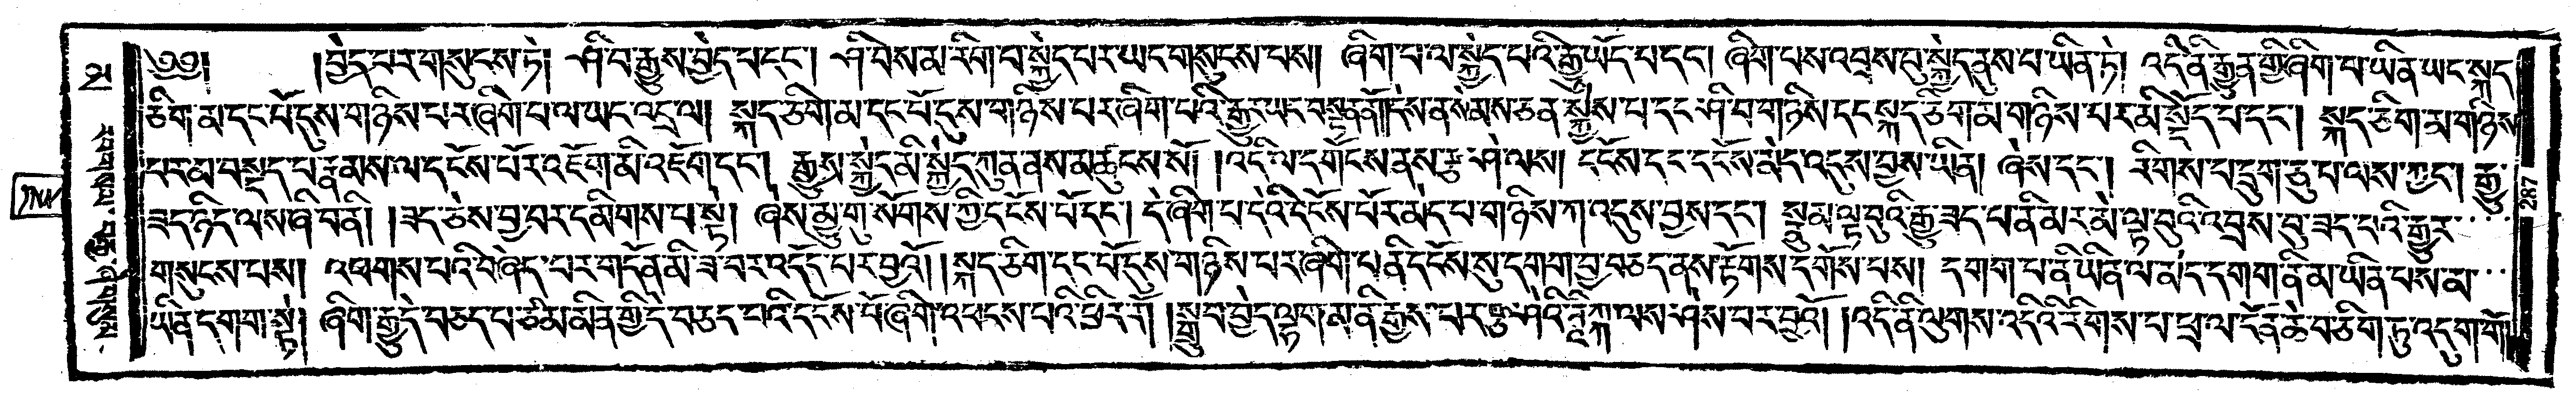༄༅། །བྱེད་པར་གསུངས་ཏེ། ཤི་བ་རྒྱུས་བྱེད་པ་དང་། ཤི་བས་མ་རིག་པ་སྐྱེད་པར་ཡང་གསུངས་པས། ཞིག་པ་ལ་སྐྱེད་པའི་རྒྱུ་ཡོད་པ་དང་། ཞིག་པས་འབྲས་བུ་སྐྱེད་ནུས་པ་ཡིན་ཏེ། འདི་ནི་རྒྱུན་གྱི་ཞིག་པ་ཡིན་ཡང་སྐད་
ཅིག་མ་དང་པོ་དུས་གཉིས་པར་ཞིག་པ་ལ་ཡང་འདྲ་ལ། སྐད་ཅིག་མ་དང་པོ་དུས་གཉིས་པར་ཞིག་པའི་རྒྱུར་ཡང་བསྟན་ནོ། །དེས་ན་སེམས་ཅན་སྐྱེས་པ་དང་ཤི་བ་གཉིས་དང་སྐད་ཅིག་མ་གཉིས་པར་མི་སྡོད་པ་དང་། སྐད་ཅིག་མ་གཉིས་
པར་མ་བསྡད་པ་རྣམས་ལ་དངོས་པོར་འཇོག་མི་འཇོག་དང་། རྒྱུས་སྐྱེད་མི་སྐྱེད་ཀུན་ནས་མཚུངས་སོ། །འདི་ལ་དགོངས་ནས་རྩ་ཤེ་ལས། དངོས་དང་དངོས་མེད་འདུས་བྱས་ཡིན། ཞེས་དང་། རིགས་པ་དྲུག་ཅུ་པ་ལས་ཀྱང་། རྒྱུ་
ཟད་ཉིད་ལས་ཞི་བ་ནི། །ཟད་ཅེས་བྱ་བར་དམིགས་པ་སྟེ། ཞེས་མྱུ་གུ་སོགས་ཀྱི་དངོས་པོ་དང་། དེ་ཞིག་པ་དེའི་དངོས་པོར་མེད་པ་གཉིས་ཀ་འདུས་བྱས་དང་། སྣུམ་ལྟ་བུའི་རྒྱུ་ཟད་པ་ནི་མར་མེ་ལྟ་བུའི་འབྲས་བུ་ཟད་པའི་རྒྱུར་
གསུངས་པས། འཕགས་པའི་བཞེད་པར་གདོན་མི་ཟ་བར་འདོད་པར་བྱའོ། །སྐད་ཅིག་དང་པོ་དུས་གཉིས་པར་ཞིག་པ་ནི་དངོས་སུ་དགག་བྱ་བཅད་ནས་རྟོགས་དགོས་པས། དགག་པ་ནི་ཡིན་ལ་མེད་དགག་ནི་མ་ཡིན་པས་མ་
ཡིན་དགག་སྟེ། ཞིག་རྒྱུ་དེ་བཅད་པ་ཙམ་མིན་གྱི་དེ་བཅད་པའི་དངོས་པོ་ཞིག་འཕངས་པའི་ཕྱིར་རོ། །སྒྲུབ་བྱེད་ལྷག་མ་ནི་རྒྱས་པར་རྩ་ཤེའི་ཊཱིཀྐ་ལས་ཤེས་པར་བྱའོ། །འདི་ནི་ལུགས་འདིའི་རིགས་པ་ཕྲ་ལ་དོན་ཆེ་བ་ཅིག་ཏུ་འདུག་གོ།